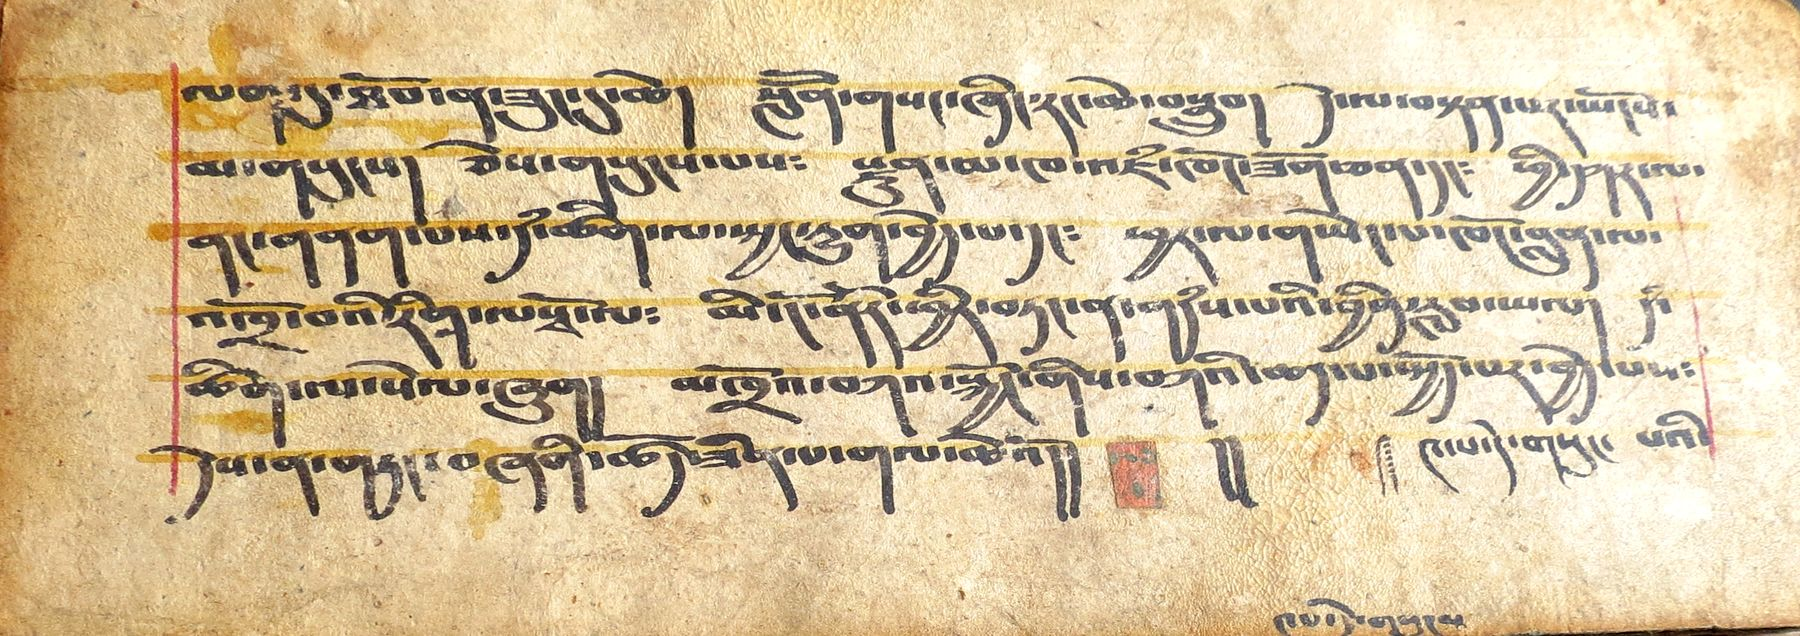ལག་ཏུ་ཐོབ་ན་ཟོང་དུ་ཆེ། སློབ་དཔོན་གསང་ཞིང་རང་ཆེ་སྒྲུབ། དེ་ལ་བསྟན་པར་ཡོངས་
མ་གསུངས། ཞེས་གསུངས་སོ། རྫུན་མ་ཁ་འཇམ་ཁོང་གསོག་ཅན་དང་། ཕྱི་དཀར་
ལ་ནང་གནག་པ། དམ་ཚིག་ལ་སྤྱང་རྒྱུག་བྱེད་པ། འཕྱར་ལ་གཡེངས་བ་དང་། བླུན་ལ་
འཁྲོ་བའི་རིགས་ལ་སོགས་པ་མི་ངོ་དང་ནོར་ཕྱིར་བཏང་ན། གདམས་པའི་བྱིན་རླབས་ཡལ། དམ་
ཚིག་ལ་སེལ་འཇུག མཁའ་འགྲོ་བཀའ་སྐྱོང་གིས། བཀའི་ཆད་པར་གཅོད་པར་བྱེད་པས་
དེ་ལ་བཏང་བཞག་གིས་ཚོད་ཟིན་པ་གལ་ཆེའོ། ། བཞི་པ་དེས་གསུངས་པའི་དགེ་སྦྱོར་